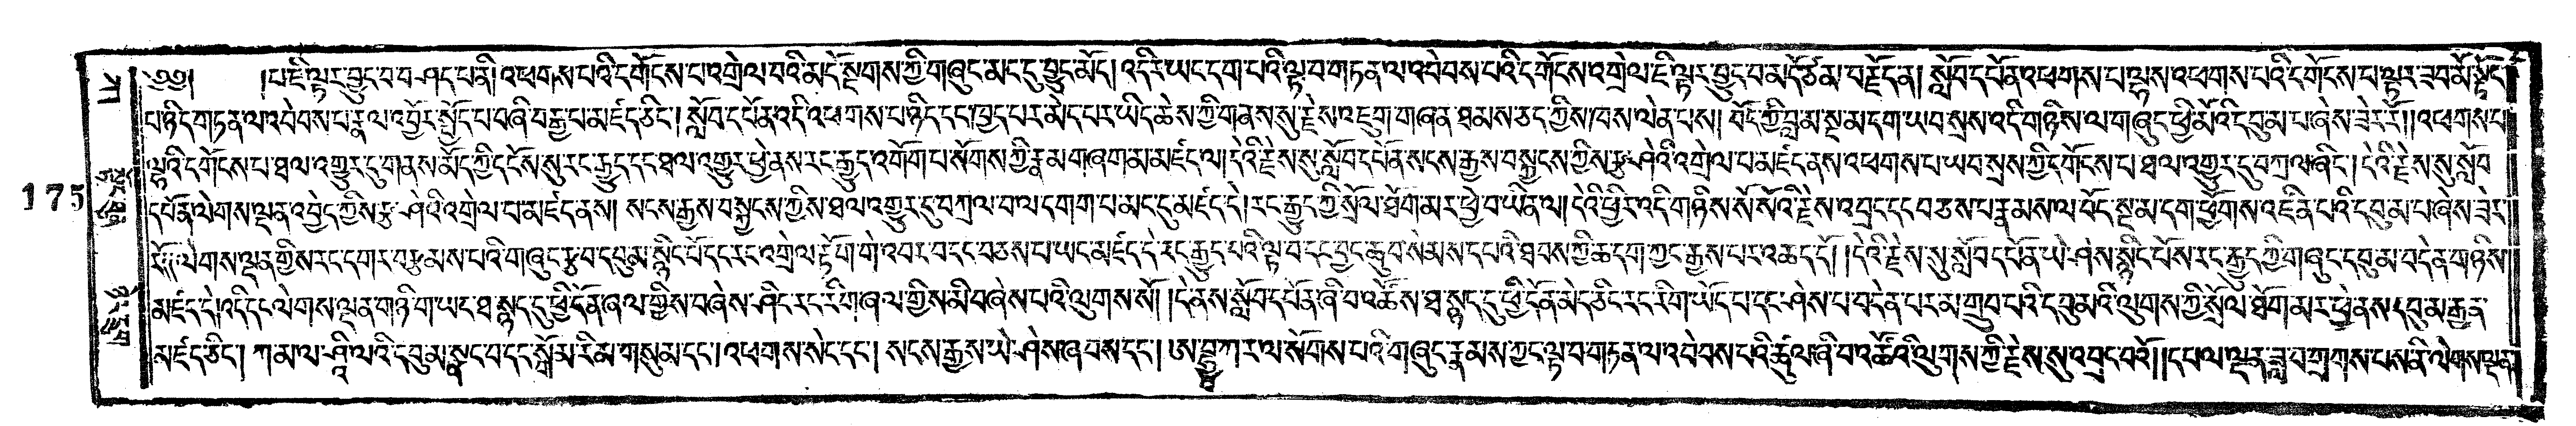༄༅། །པ་ཇི་ལྟར་བྱུང་བ་བཤད་པ་ནི། འཕགས་པའི་དགོངས་པ་འགྲེལ་བའི་མདོ་སྔགས་ཀྱི་གཞུང་མང་དུ་བྱུང་མོད། འདིར་ཡང་དག་པའི་ལྟ་བ་གཏན་ལ་འབེབས་པའི་དགོངས་འགྲེལ་ཇི་ལྟར་བྱུང་བ་མདོ་ཅམ་བརྗོད་ན། སློབ་དཔོན་འཕགས་པ་ལྷས་འཕགས་པའི་དགོངས་པ་ལྟར་ཟབ་མོ་སྟོང་
པ་ཉིད་གཏན་ལ་འབེབས་པ་རྣལ་འབྱོར་སྤྱོད་པ་བཞི་བརྒྱ་པ་མཛད་ཅིང་། སློབ་དཔོན་འདི་འཕགས་པ་ཉིད་དང་ཁྱད་པར་མེད་པར་ཡིད་ཆེས་ཀྱི་གནས་སུ་རྗེས་འཇུག་གཞན་ཐམས་ཅད་ཀྱིས་ཁས་ལེན་པས། བོད་ཀྱི་བླ་མ་སྔ་མ་དག་ཡབ་སྲས་འདི་གཉིས་ལ་གཞུང་ཕྱི་མོའི་དབུ་མ་པ་ཞེས་ཟེར་རོ། །འཕགས་པ་
ལྷའི་དགོངས་པ་ཐལ་འགྱུར་དུ་གནས་མོད་ཀྱི་དངོས་སུ་རང་རྒྱུད་དང་ཐལ་འགྱུར་ཕྱེ་ནས་རང་རྒྱུད་འགོག་པ་སོགས་ཀྱི་རྣམ་གཞག་མ་མཛད་ལ། དེའི་རྗེས་སུ་སློབ་དཔོན་སངས་རྒྱས་བསྐྱངས་ཀྱིས་རྩ་ཤེའི་འགྲེལ་པ་མཛད་ནས་འཕགས་པ་ཡབ་སྲས་ཀྱི་དགོངས་པ་ཐལ་འགྱུར་དུ་བཀྲལ་ཞིང་། དེའི་རྗེས་སུ་སློབ་
དཔོན་ལེགས་ལྡན་འབྱེད་ཀྱིས་རྩ་ཤེའི་འགྲེལ་པ་མཛད་ནས། སངས་རྒྱས་བསྐྱངས་ཀྱིས་ཐལ་འགྱུར་དུ་བཀྲལ་བ་ལ་དགག་པ་མང་དུ་མཛད་དེ། རང་རྒྱུད་ཀྱི་སྲོལ་ཐོག་མར་ཕྱེ་བ་ཡིན་ལ། དེའི་ཕྱིར་འདི་གཉིས་སོ་སོའི་རྗེས་འབྲང་དང་བཅས་པ་རྣམས་ལ་བོད་སྔ་མ་དག་ཕྱོགས་འཛིན་པའི་དབུ་མ་པ་ཞེས་ཟེར་
རོ༑ ༑ལེགས་ལྡན་གྱིས་རང་དགར་བརྩམས་པའི་གཞུང་རྩ་བ་དབུ་མ་སྙིང་པོ་དང་རང་འགྲེལ་རྟོག་གེ་འབར་བ་དང་བཅས་པ་ཡང་མཛད་དེ་རང་རྒྱུད་པའི་ལྟ་བ་དང་བྱང་ཆུབ་སེམས་དཔའི་ཐབས་ཀྱི་ཆ་དག་ཀྱང་རྒྱས་པར་འཆད་དོ། །དེའི་རྗེས་སུ་སློབ་དཔོན་ཡེ་ཤེས་སྙིང་པོས་རང་རྒྱུད་ཀྱི་གཞུང་དབུ་མ་བདེན་གཉིས་
མཛད་དེ། འདིར་དང་ལེགས་ལྡན་གཉི་ག་ཡང་ཐ་སྙད་དུ་ཕྱི་དོན་ཞལ་གྱིས་བཞེས་ཤིང་རང་རིག་ཞལ་གྱིས་མི་བཞེས་པའི་ལུགས་སོ། །དེ་ནས་སློབ་དཔོན་ཞི་བ་འཚོས་ཐ་སྙད་དུ་ཕྱི་དོན་མེད་ཅིང་རང་རིག་ཡོད་པ་དང་ཤེས་པ་བདེན་པར་མ་གྲུབ་པའི་དབུ་མའི་ལུགས་ཀྱི་སྲོལ་ཐོག་མར་ཕྱེ་ནས་དབུ་མ་རྒྱན་
མཛད་ཅིང་། ཀ་མ་ལ་ཤཱི་ལའི་དབུ་མ་སྣང་བ་དང་སྒོམ་རིམ་གསུམ་དང་། འཕགས་སེང་དང་། སངས་རྒྱས་ཡེ་ཤེས་ཞབས་དང་། ཨ་བྷྱཱ་ཀ་ར་ལ་སོགས་པའི་གཞུང་རྣམས་ཀྱང་ལྟ་བ་གཏན་ལ་འབེབས་པའི་ཚུལ་ཞི་བ་འཚོའི་ལུགས་ཀྱི་རྗེས་སུ་འབྲང་བའོ། །དཔལ་ལྡན་ཟླ་བ་གྲགས་པས་ནི་ལེགས་ལྡན་